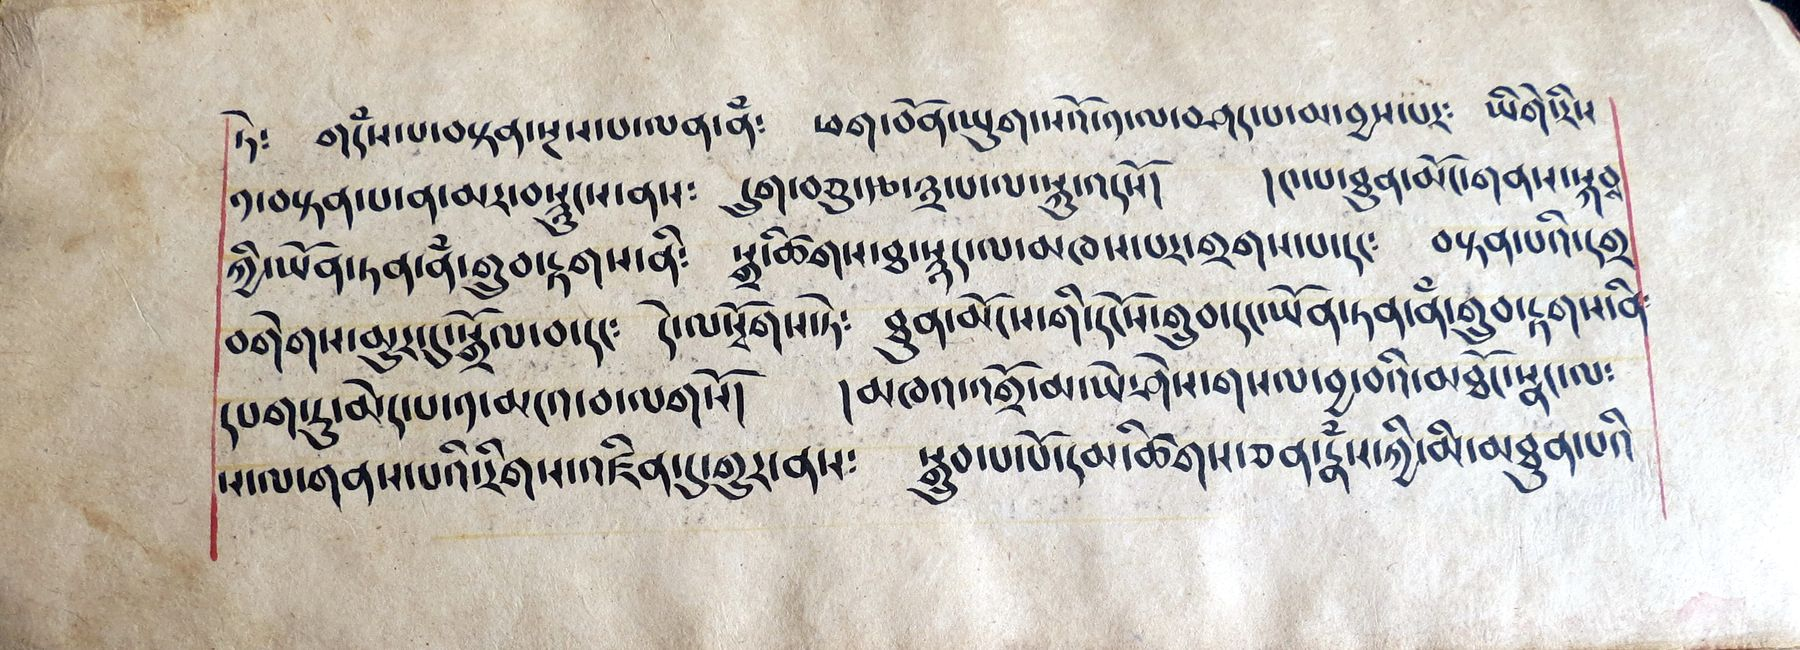ཏེ། གདམས་པ་བསྟན་སྔས་པས་ལན་ནམ། ཕག་བོན་ཡུག་སའོ་ཅིག་ལ་བཤད་པ་མ་བྱས་པར། ཡི་གེ་རིས་
གཅིག་བསྟན་པ་ན་མར་བསྙུངས་ནས། དྲུག་ཅུ་རྩ་གསུམ་པ་ལ་སྐུ་འདས་སོ། །བཞི་པ་ཐུན་མོང་གནས་སྐབས་
ཀྱི་ཡོན་ཏན་ནམ་གྲུབ་རྟགས་ནི། སྒྲ་ཚིག་ཐ་སྙད་ལ་མཁས་པར་གྲགས་པ་དང་། བསྟན་པའི་དགྲ་
བགེགས་མྱུར་དུ་སྒྲོལ་བ་དང་། དེ་ལ་སོགས་ཏེ། ཐུན་མོང་གི་དངོས་གྲུབ་དང་ཡོན་ཏན་ནམ་གྲུབ་རྟགས་ནི་
དཔག་ཏུ་མེད་པ་ཅིག་མངའ་བ་ལགས་སོ། །མཁའ་འགྲོ་མ་ཡེ་ཤེས་གསལ་བྱ་བའི་མཐོང་སྣང་ལ། 
ས་ལ་གནས་པའི་རིག་འཛིན་ཏུ་གྱུར་ནས་སྒྲུབ་པ་པོ་དམ་ཚིག་ཅན་རྣམས་ཀྱི་མི་མཐུན་པའི་